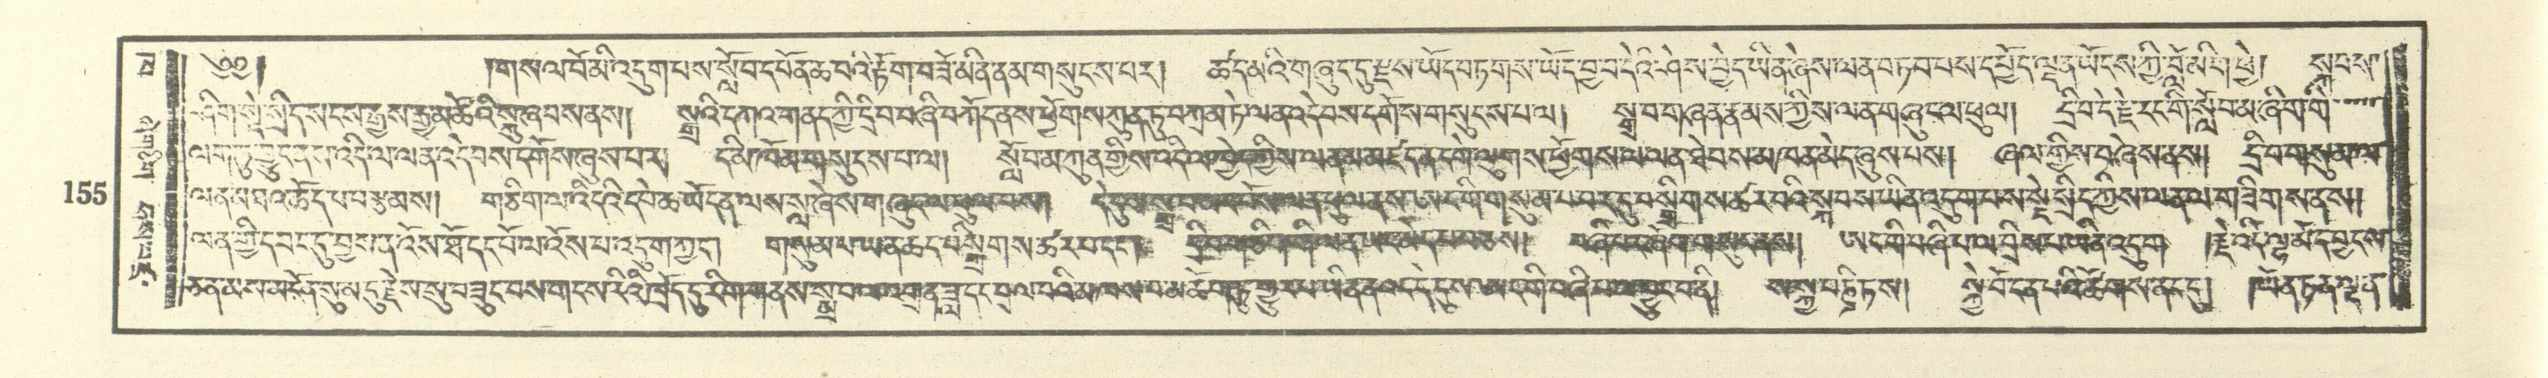༄༅། །གསལ་བོ་མི་འདུག་པས་སློབ་དཔོན་ཆ་བའི་རྟོག་བཟོ་མིན་ནམ་གསུངས་པར། ཚད་མའི་གཞུང་དུ་རྫས་ཡོད་བཏགས་ཡོད་བྱ་བ་དེའི་ཤེས་བྱེད་ཡིན་ཞེས་ལན་བཏབ་པས་དཔྱོད་ལྡན་ཡོངས་ཀྱི་བློ་མིག་ཕྱེ། སྐབས་
ཤིག་སྡེ་སྲིད་སངས་རྒྱས་རྒྱ་མཚོའི་སྐུ་ཞབས་ནས། སྒྲའི་དཀའ་གནད་ཀྱི་དྲི་བ་བཞི་བཀོད་ནས་ཕྱོགས་ཀུན་ཏུ་བཀྲ་མ་ཏེ་ལན་འདེབས་དགོས་གསུངས་པ་ལ། སྒྲ་བ་གཞན་རྣམས་ཀྱིས་ལན་གཞུང་ལ་ཕུལ། དྲི་བ་དེ་རྗེ་རང་གི་སློབ་མ་ཞིག་གི་
ལག་ཏུ་བྱུང་ནས་འདི་ལ་ལན་འདེབས་དགོས་ཞུས་པར། ད་མི་ཁོམ་གསུངས་པ་ལ། སློབ་མ་ཀུན་གྱིས་འདི་ལ་ཁྱེད་ཀྱིས་ལན་མ་མཛད་ན་དགེ་ལུགས་ཕྱོགས་ལ་ལན་ཐེབས་མཁན་མེད་ཞུས་པས། ཞལ་གྱིས་བཞེས་ནས། དྲི་བ་གསུམ་ལ་
ལན་མཐའ་ཆོད་པ་བརྩམས། གཅིག་ལ་འདིའི་དཔེ་ཆ་ཡོད་ན་ལས་སླ་ཞེས་གཞུང་ལ་ཕུལ་བས། དེ་དུས་སྒྲ་བ་མང་པོས་ལན་ཕུལ་ནས་ཨང་གི་གསུམ་པ་བར་དུ་བསྒྲིགས་ཚར་བའི་སྐབས་ཡིན་འདུག་པས་སྡེ་སྲིད་ཀྱིས་ལན་ལ་གཟིགས་ནས།
ལན་གྱི་དབང་དུ་བྱས་ན་འོས་ཐོ་དང་པོ་ལ་འོས་པ་འདུག་ཀྱང་། གསུམ་པ་ཡན་ཆད་བསྒྲིགས་ཚར་བ་དང་། དྲི་བ་གཅིག་གི་ལན་ཡང་མེད་པ་བཅས། བཞི་པར་ཞོག་གསུང་ནས། ཨང་གི་བཞི་པ་ལ་བྲིས་པ་ཡིན་འདུག །རྗེ་འདི་ལྷ་མོ་དབྱངས་
ཅན་མས་མངོན་སུམ་དུ་རྗེས་སུ་བཟུང་བས་གངས་རིའི་ཁྲོད་དུ་རིག་གནས་སྨྲ་བ་ལ་འགྲན་ཟླ་དང་བྲལ་བའི་མཁས་པ་མཆོག་ཏུ་གྱུར་པ་ཡིན་ནའང་དེ་དུས་ཨང་གི་བཞི་པ་ལ་བྱུང་བ་ནི། ས་སྐྱ་པཎྜི་ཏས། སྐྱེ་བོ་ངན་པའི་ཚོགས་ནང་དུ། །ཡོན་ཏན་ལྡན་